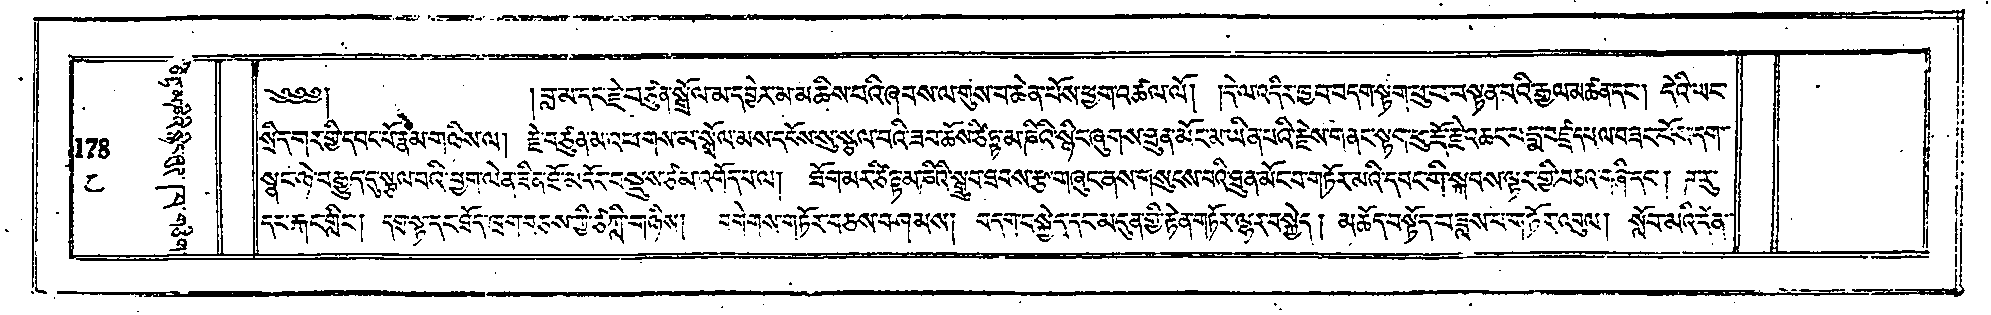༄༅༅། །བླ་མ་དང་རྗེ་བཙུན་སྒྲོལ་མ་དབྱེར་མ་མཆིས་པའི་ཞབས་ལ་གུས་པ་ཆེན་པོས་ཕྱག་འཚལ་ལོ། །དེ་ལ་འདིར་ཁྱབ་བདག་སྟག་ཕུ་བ་བསྟན་པའི་རྒྱལ་མཚན་དང་། དེའི་ཡང་སྲིད་གར་གྱི་དབང་པོ་རྣམ་གཉིས་ལ། རྗེ་བཙུན་མ་འཕགས་མ་སྒྲོལ་མས་དངོས་སུ་སྩལ་བའི་ཟབ་ཆོས་ཙིཏྟ་མ་ཎིའི་སྙིང་ཞུགས་ཐུན་མོང་མ་ཡིན་པའི་རྗེས་གནང་སྟག་ཕུ་རྡོ་རྗེ་འཆང་པདམ་བྫྲ་དཔལ་བཟང་པོས་དག་
སྣང་ཉེ་བརྒྱུད་དུ་སྩལ་བའི་ཕྱག་ལེན་ཟིན་ཐོ་མདོར་བསྡུས་ཙམ་འགོད་པ་ལ། ཐོག་མར་ཙིཏྟ་མ་ཎིའི་སྒྲུབ་ཐབས་རྩ་གཞུང་ནས་གསུངས་པའི་ཐུན་མོང་བ་གཏོར་མའི་དབང་གི་སྐབས་ལྟར་གྱི་བཅའ་གཞི་དང་། ཌ་རུ་་་
དང་རྐང་གླིང་། དགྲ་སྟ་དང་ཐོད་ཁྲག་བཅས་ཀྱི་ཙཀླི་གཉིས། བགེགས་གཏོར་བཅས་བཤམས། བདག་བསྐྱེད་དང་མདུན་གྱི་རྟེན་གཏོར་ལྷར་བསྐྱེད། མཆོད་བསྟོད་བཟླས་པ་གཏོར་འབུལ། སློབ་མའི་དོན་་་